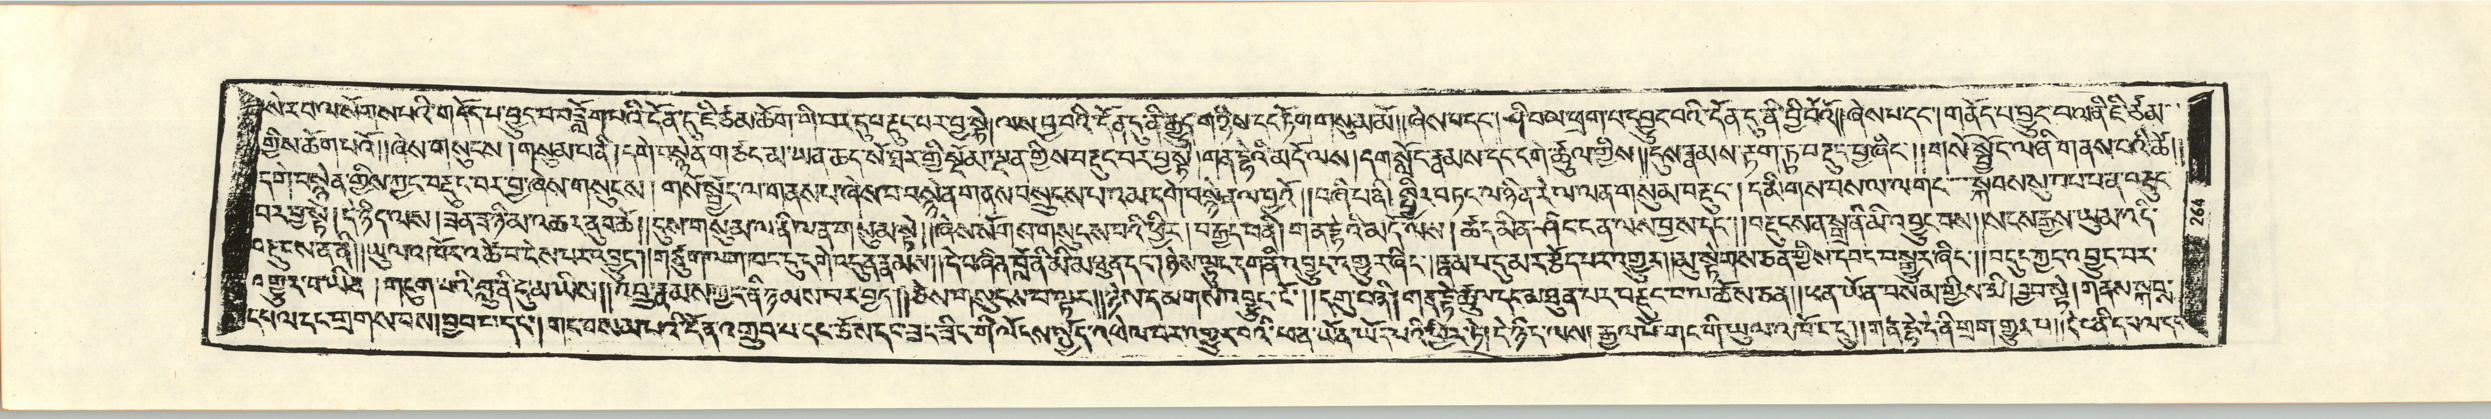སེར་བ་ལ་སོགས་པའི་གདོད་པ་བྱུང་བ་བཟློག་པའི་དོན་དུ་ཇི་ཙམ་ཆོག་གི་བར་དུ་བརྡུང་བར་བྱ་སྟེ། ལས་བྱ་བའི་དོན་དུ་ནི་རྒྱུད་གཉིས་དང་ཏོག་གསུམ་མོ། །ཞེས་པ་དང་། ཤི་བ་ལ་ཕྲག་པ་དབྱུང་བའི་དོན་དུ་ནི་བྱི་བོའོ། །ཞེས་པ་དང་། གནོད་པ་བྱུང་བ་ལ་ནི་ཇི་ཙམ་
གྱིས་ཆོག་པའོ། །ཞེས་གསུངས། གསུམ་པ་ནི། དགེ་བསྙེན་གཙང་མ་ཡན་ཆད་སོ་ཐར་གྱི་སྔོམ་ལྡན་གྱིས་བརྡུང་བར་བྱ་སྟེ། གན་དྷེའི་མདོ་ལས། དག་སློང་རྣམས་དང་དགེ་ཚུལ་གྱིས། །དུས་རྣམས་རྟག་ཏུ་བརྡུང་བྱ་ཞིང་། །གསོ་སྦྱོང་ལ་ནི་གནས་པའི་ཚེ། །
དགེ་བསྙེན་གྱིས་ཀྱང་བརྡུང་བར་བྱ་ཞེས་གསུངས། གསོ་སྦྱོང་ལ་གནས་པ་ཞེས་པ་བསྙེན་གནས་བསྲུངས་པ་འམ་དགེ་བསྙེན་ལ་བྱའོ། །བཞི་པ་ནི། སྤྱིར་བཏང་ལ་ཉེན་རེ་ལ་ལན་གསུམ་བརྡུང་། དམིགས་བསལ་ལ་གང་སྐབས་སུ་བབ་པ་ན་བཅུང་
བར་བྱ་སྟེ། དེ་ཉིད་ལས། ཟན་ཟ་ཉི་མ་འཆར་ནུབ་ཚེ། །དུས་གསུམ་ལ་ནི་ལན་གསུམ་སྟེ། །ཞེས་སོགས་གསུངས་པའི་ཕྱིར། བརྒྱད་པ་ནི། གན་དྷེའི་མདོ་ལས། ཚད་མིན་ཤིང་ངན་ལས་བྱས་དང་། །བརྡུངས་ན་སྒྲ་ནི་མི་འབྱུང་བས། །སངས་རྒྱས་ཡུམ་འདི་
བརྡུངས་ན་ནི། །ཡུལ་འཁོར་འཚེ་བ་ངེས་པར་འབྱུང་། །གཙུག་ལག་ཁང་དུ་དགེ་འདུན་རྣམས། །དེ་བཞིན་བློ་ནི་མི་མཐུན་དང་། ཉེས་ལྟུང་དག་ནི་འབྱུང་འགྱུར་ཞིང་། །རྣམ་པ་དུ་མར་རྩོད་པར་འགྱུར། །མུ་སྟེགས་ཅན་གྱིས་དབང་བསྒྱུར་ཞིང་། །བདུང་ཀྱང་འབྱུང་བར་
འགྱུར་བ་ཡིན། གདུག་པའི་བླུ་ནི་དུ་མ་ཡིས། །འབྲུ་རྣམས་ཀྱང་ནི་ཉམས་བར་བྱད། །ཅེས་གསུངས་པ་ལྟར། །ཉེས་དམགས་འབྱུང་ངོ། །དགུ་པ་ནི། གན་དྷེ་ཚུལ་དང་མཐུན་པར་བརྡུང་བ་ལ་ཆོས་ཅན། །ཕན་ཡོན་བསམ་གྱིས་མི་ཁྱབ་སྟེ། གནས་སྐབས་
དཔལ་དང་གྲགས་བས། བྱས་པ་དང་། གང་བསམ་པའི་དོན་འགྲུབ་པ་དང་ཆོས་དང་ཟང་ཟིང་གི་ལོངས་སྤྱོད་འཕེལ་བར་འགྱུར་བའི་ཕན་ཡོན་ཡོད་པའི་ཕྱིར་ཏེ། དེ་ཉིད་ལས། རྒྱལ་པོ་གང་གི་ཡུལ་འཁོར་དུ། །གན་དྷེ་དེ་ནི་གྲག་གྱུར་པ། །དེང་ནི་དཔལ་དང་